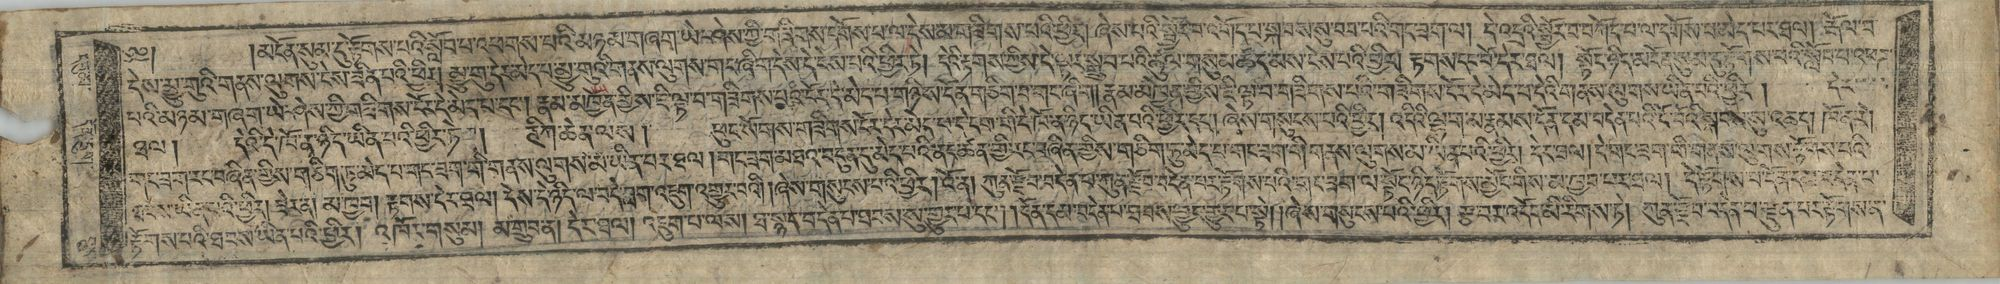༄༅། །མངོན་སུམ་དུ་རྟོགས་པའི་སློབ་པ་འཕགས་པའི་མཉམ་གཞག་ཡེ་ཤེས་ཀྱིས་གཟིགས་དགོས་པ་ལ་དེས་མ་གཟིགས་པའི་ཕྱིར། ཞེས་པའི་སྦྱོར་བ་འགོད་པ་སྐབས་སུ་བས་པའི་གང་ཟག་ལ། དེ་འདྲའི་སྦྱོར་བ་བཀོད་པ་ལ་དགོས་པ་མེད་པར་ཐལ། རྒོལ་བ་
དེས་མྱུ་གུའི་གནས་ལུགས་ངེས་ཟིན་པའི་ཕྱིར། མྱུ་གུ་དེར་མེད་པ་མྱུ་གུའི་གནས་ལུགས་གང་ཞིག་དེས་དེ་ངེས་པའི་ཕྱིར་ཏེ། དེའི་རྟགས་ཀྱིས་དེ་ལྟར་སྒྲུབ་པའི་ཚུལ་གསུམ་ཚད་མས་ངེས་པའི་ཕྱིར། རྟགས་དང་པོ་དེར་ཐལ། སྟོང་ཉིད་མངོན་སུམ་དུ་རྟོགས་པའི་སློབ་པ་འཕགས་
པའི་མཉམ་གཞག་ཡེ་ཤེས་ཀྱི་གཟིགས་ངོར་དེ་མེད་པ་དང་། རྣམ་མཁྱེན་གྱིས་ཇི་ལྟ་བ་གཟིགས་པའི་ངོར་དེ་མེད་པ་གཉིས་དོན་གཅིག་བ་གང་ཞིག །རྣམ་མཁྱེན་གྱིས་ཇི་ལྟ་བ་གཟིགས་པའི་གཟིགས་ངོར་དེ་མེད་པ་དེའི་གནས་ལུགས་ཡིན་པའི་ཕྱིར། དེར་
ཐལ། དེའི་དེ་ཁོ་ན་ཉིད་ཡིན་པའི་ཕྱིར་ཏེ། ཊིཀཆེན་ལས། ཕུང་སོགས་གཟིགས་ངོར་དེར་མེད་པ་དེ་དག་གི་དེ་ཁོ་ན་ཉིད་ཡིན་པའི་ཕྱིར་དང་། ཞེས་གསུངས་པའི་ཕྱིར། འདིའི་ལྷག་མ་རྣམས་དོན་དམ་བདེན་པའི་ངོ་བོའི་སྐབས་སུ་འཆད། ཁོ་ན་རེ།
གང་ཟག་རང་བཞིན་གྱིས་གཅིག་ཏུ་མེད་པ་གང་ཟག་གི་གནས་ལུགས་མ་ཡིན་པར་ཐལ། གང་ཟག་མཐའ་བདུན་དུ་མེད་པའི་ནང་ཚན་གྱི་རང་བཞིན་གྱིས་གཅིག་ཏུ་མེད་པ་གང་ཟག་གི་གནས་ལུགས་མ་ཡིན་པའི་ཕྱིར། དེར་ཐལ། དེ་གང་ཟག་གི་གནས་ལུགས་རྟོགས་པའི་
ཐབས་ཡིན་པའི་ཕྱིར། ཟེར་ན། མ་ཁྱབ། རྟགས་དེར་ཐལ། དེས་དེ་ཉིད་ལ་བདེ་བླག་འཇུག་འགྱུར་བའི། །ཞེས་གསུངས་པའི་ཕྱིར། འོ་ན། ཀུན་རྫོབ་བདེན་པ་ཀུན་རྫོབ་བདེན་པར་རྟོགས་པའི་གང་ཟག་ལ་སྟོང་ཉིད་རྟོགས་མྱོང་གིས་མ་ཁྱབ་པར་ཐལ། དེ་རྟོགས་པ་དོན་དམ་བདེན་པ་
རྟོགས་པའི་ཐབས་ཡིན་པའི་ཕྱིར། འཁོར་གསུམ། མ་གྲུབ་ན། དེར་ཐལ། འཇུག་པ་ལས། ཐ་སྙད་བདེན་པ་ཐབས་སུ་གྱུར་པ་དང་། །དོན་དམ་བདེན་པ་ཐབས་བྱུང་གྱུར་པ་སྟེ། །ཞེས་གསུངས་པའི་ཕྱིར། རྩ་བར་འདོད་མི་རིགས་ཏེ། ཀུན་རྫོབ་བདེན་པ་རྫུན་པར་རྟོགས་ན་